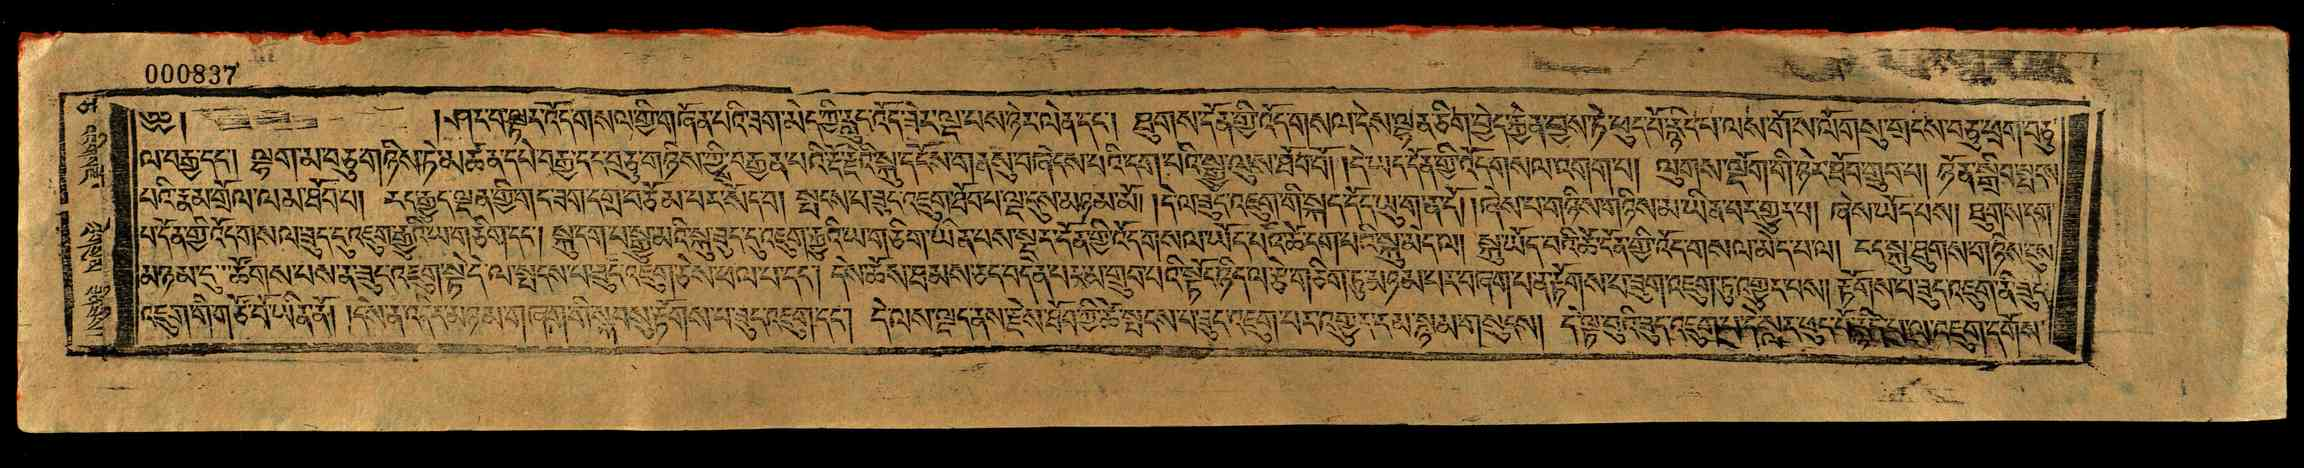༄༅། །ཤར་བ་ལྟར་འོད་གསལ་གྱི་བཞོན་པའི་ཟག་མེད་ཀྱི་རླུང་འོད་ཟེར་ལྔ་པས་ཉེར་ལེན་དང་། ཐུགས་དོན་གྱི་འོད་གསལ་དེས་ལྷན་ཅིག་བྱེད་རྐྱེན་བྱས་ཏེ་ཕུང་པོ་རྙིང་པ་ལས་གོ་ས་ལོགས་སུ་གྲངས་བཅུ་ཕྲག་བཅུ་
ལ་བརྒྱ་དང་། ལྷག་མ་བཅུ་གཉིས་ཏེ་མཚན་དཔེ་བརྒྱ་དང་བཅུ་གཉིས་ཀྱིས་བརྒྱན་པའི་རྡོ་རྗེའི་སྐུ་དངོས་གནས་སུ་བཞེངས་པའི་དག་པའི་སྒྱུ་ལུས་ཐོབ་བོ། །དེ་ཡང་དོན་གྱི་འོད་གསལ་འགག་པ། ལུགས་ལྡོག་གི་ཉེར་ཐོབ་གྲུབ་པ། ཉོན་སྒྲིབ་སྤངས་
པའི་རྣམ་གྲོལ་ལམ་ཐོབ་པ། རང་རྒྱུད་ལྡན་གྱི་གང་ཟག་དགྲ་བཅོམ་པར་སོང་བ། སྤངས་པ་ཟུང་འཇུག་ཐོབ་པ་ལྔ་དུས་མཉམ་མོ། །དེ་ལ་ཟུང་འཇུག་གི་སྐད་དོད་ཡུག་ན་དོ། །ཞེས་པ་གཉིས་གཉིས་མ་ཡིན་པར་གྱུར་པ། ཞེས་ཡོད་པས། ཐུགས་དག་
པ་དོན་གྱི་འོད་གསལ་ཟུང་དུ་འཇུག་རྒྱུའི་ཡ་གཅིག་དང་། སྐུ་དག་པ་སྒྱུ་མའི་སྐུ་ཟུང་དུ་འཇུག་རྒྱུའི་ཡ་གཅིག་ཡིན་པས་སྔར་དོན་གྱི་འོད་གསལ་ཡོད་པའི་ཚེ་དག་པའི་སྐུ་མེད་ལ། སྐུ་ཡོད་པའི་ཚེ་དོན་གྱི་འོད་གསལ་མེད་པ་ལ། དེང་སྐུ་ཐུགས་གཉིས་དུས་
མཉམ་དུ་ཚོགས་པས་ན་ཟུང་འཇུག་སྟེ་དེ་ལ་སྤངས་པ་ཟུང་འཇུག་ཅེས་ཕལ་པ་དང་། དེས་ཆོས་ཐམས་ཅད་བདེན་པར་མ་གྲུབ་པའི་སྟོང་ཉིད་ལ་རྩེ་གཅིག་ཏུ་མཉམ་པར་བཞག་པ་ན་རྟོགས་པ་ཟུང་འཇུག་ཏུ་འགྱུར་བས། རྟོགས་པ་ཟུང་འཇུག་ནི་ཟུང་
འཇུག་གི་གཙོ་བོ་ཡིན་ནོ། །དེས་ན་འདིར་མཉམ་གཞག་གི་སྐབས་སུ་རྟོགས་པ་ཟུང་འཇུག་དང་། དེ་ལས་ལྡང་ནས་རྗེས་ཐོབ་ཀྱི་ཚེ་སྤངས་པ་ཟུང་འཇུག་པར་འགྱུར་རམ་སྙམ་གསུངས། དེ་ལྟ་བུའི་ཟུང་འཇུག་པ་དེ་སླར་ཕུང་པོ་རྙིང་པ་ལ་འཇུག་དགོས་